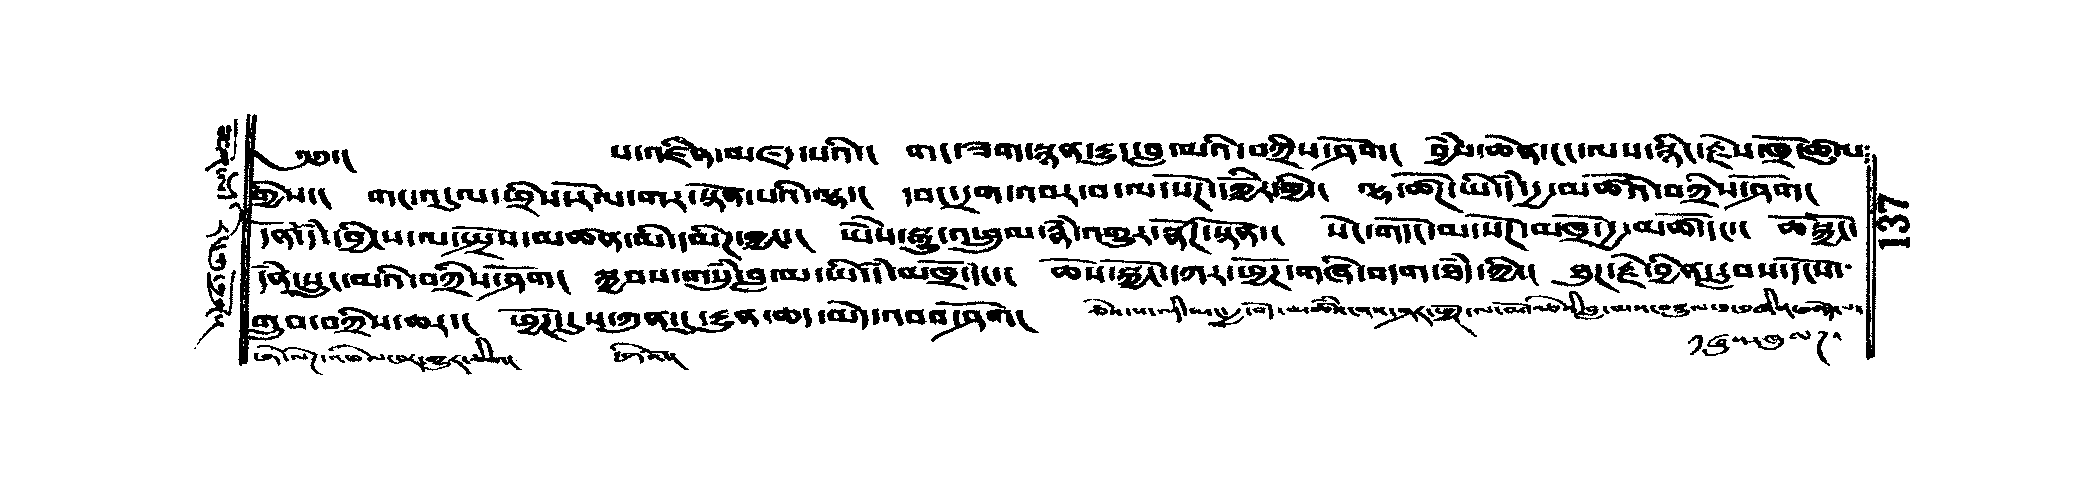པ་འཛིན་མཛད་པའི། །གང་ཟག་སྙན་རྒྱུད་བླ་མའི་བཀྲ་ཤིས་ཤོག །བྱམས་ཆེན་ངང་ལས་སྙིང་རྗེས་ཁྲོ་ཚུལ་
གྱིས། །གང་འདུལ་ཕྲིན་ལས་རོལ་གར་སྟོན་པའི་ལྷ། །དབང་དྲག་འབར་བ་ལ་སོགས་དཀྱིལ་འཁོར་གྱི། །ལྷ་ཚོགས་ཡི་དམ་རྒྱ་མཚོའི་བཀྲ་ཤིས་ཤོག །
དོན་དམ་དབྱིངས་ལ་སྤྲོས་མཚན་མི་དམིགས་ཀྱང་། །ཡེ་ཤེས་སྒྱུ་འཕྲུལ་རྣམ་འགྱུར་སྣ་ཚོགས་སྟོན། །སེང་གདོང་མ་སོགས་མཁའ་འགྲོ་རྒྱ་མཚོ་དང་། །ཆོས་སྐྱོང་
དམ་ཅན་སྲུང་མའི་བཀྲ་ཤིས་ཤོག །སྐྱབས་གསུམ་བླ་མ་ཡི་དམ་མཁའ་འགྲོ་དང་། །ཆོས་སྐྱོང་དཀར་ཕྱོགས་གཞི་བདག་ཐམས་ཅད་ཀྱི། །ཐུགས་རྗེ་བྱིན་རླབས་དངོས་
གྲུབ་བཀྲ་ཤིས་ཆར། །ཕྱོགས་དུས་ཀུན་ཏུ་རྒྱུན་ཆད་མེད་འབབ་ཤོག ཅེས་པ་འདི་ཡང་རྒྱ་བོད་མཚམས་ནས་ཤར་ཕྱོགས་ལ་མོ་རྩེའི་བླ་མས་བསྐུལ་བ་བཞིན་བཀོད་པ་
དགེ་ལེགས་འཕེལ་བར་གྱུར་ཅིག། དགེའོ།།